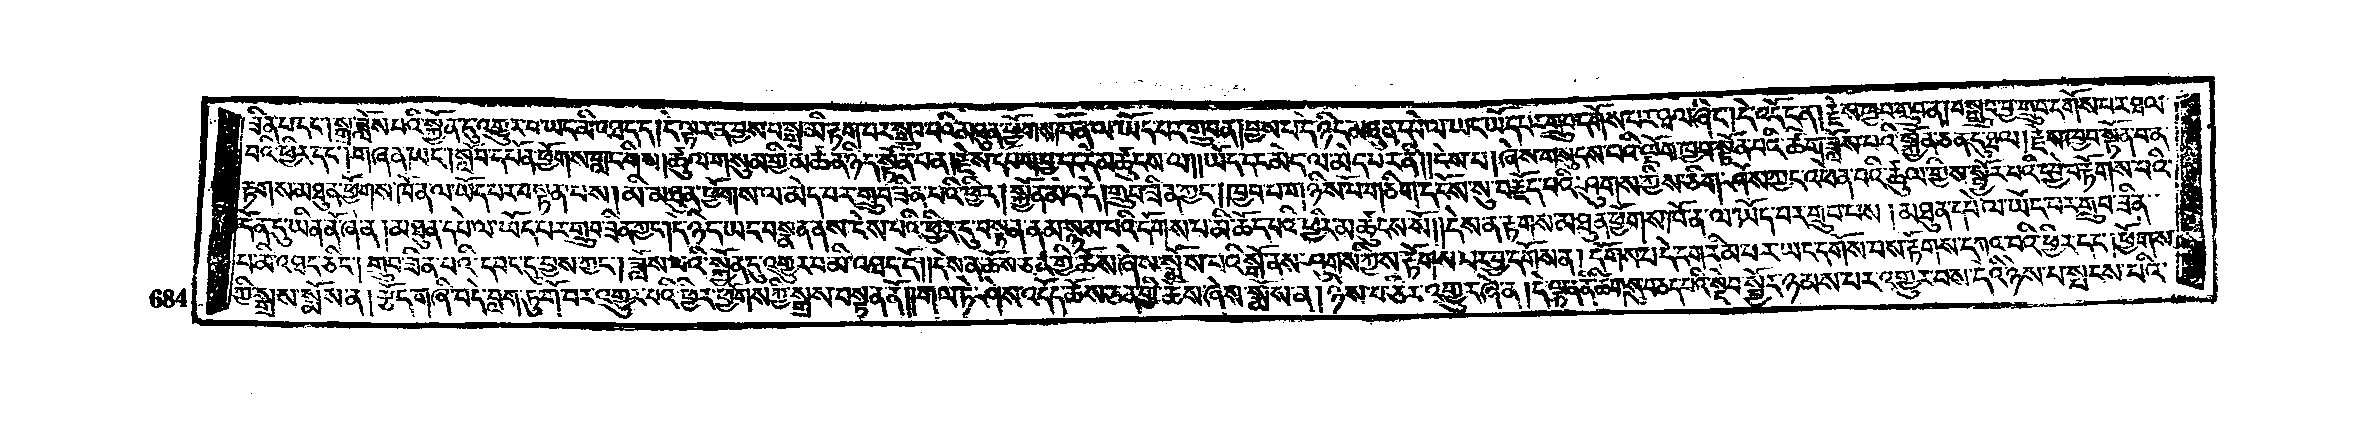ཟིན་པ་དང་། སྒྲ་ཟློས་པའི་སྐྱོན་དུ་འགྱུར་བ་ཡང་མི་འཐད་དེ། དེ་ལྟར་ན་བྱས་པ་སྒྲ་མི་རྟག་པར་སྒྲུབ་པའི་མཐུན་ཕྱོགས་ཁོ་ན་ལ་ཡོད་པར་གྲུབ་ན། བྱས་པ་དེ་ཉིད་མཐུན་དཔེ་ལ་ཁྱབ་སྟོན་པའི་ཚག་ཟློས་པའི་སྐྱོན་ཅན་དུ་ཐལ། རྗེས་ཀྱབ་གྲུབ་ན། བསྒྲུབ་བྱ་གྲུབ་དགོས་པར་ཐལ་
བའི་ཕྱིར་དན། གཞན་ཡང་། སློབ་དཔོན་ཕྱོགས་གླང་གིས། ཚུལ་གསུམ་གྱི་མཚན་ཉིད་སྟོན་པ་ན། རྗེས་དཔག་བྱ་དང་དེ་མཚུགས་ལ། །ཡོད་དང་མེད་ལ་མེད་པར་ནི། །ངེས་པ། ཞེས་གསུངས་པའི་ལྡོག་ཁྱབ་སྟོན་པའི་ཚིག་ཟློས་པའི་སྐྱོན་ཅན་དུ་ཐལ། རྗེས་ཁྱབ་སྟོན་པ་ན་
རྟགས་མཐུན་ཕྱོགས་ཁོ་ན་ལ་ཡོད་པར་བསྟན་པས། མི་མཐུན་ཕྱོགས་ལ་མེད་པར་གྲུབ་ཟིན་པའི་ཕྱིར། སྐྱོན་མེད་དེ། གྲུབ་ཟིན་ཀྱང་། ཁྱབ་པ་གཉིས་པོ་གཅིག་དངོས་སུ་བརྗོད་པའི་ཤུགས་ཀྱིས་གཅིག་ཤོས་ཀྱང་འཕེན་པའི་ཚུལ་གྱིས་སྦྱོར་བའི་དབྱེ་བ་རྟོགས་པའི་
དོན་དུ་ཡིན་ནོ་ཞེ་ན། མཐུན་དཔེ་ལ་ཡོད་པར་གྲུབ་ཟིན་ཀྱང་། དེ་ཉིད་ཡང་བསྣན་ནས་ངེས་པའི་ཕྱིར་དུ་བཏན་ནམ་སྙམ་པའི་དོགས་པ་མི་ཆོད་པའི་ཕྱིར་མཚུངས་སོ། །དེས་ན་རྟགས་མཐུན་ཕྱོགས་ཁོ་ན་ལ་ཡོད་པར་གྲུབ་པས། མཐུན་དཔེ་ལ་ཡོད་པར་གྲུབ་ཟིན་
པ་མི་འཐད་ཅིང་། གྲུབ་ཟིན་པའི་དབང་དུ་བྱས་ཀྱང་། ཟློས་པའི་སྐྱོན་དུ་འགྱུར་བ་མི་འཐད་དོ། །དེས་ན་ཆོས་ཅན་གྱི་ཆོས་ཞེས་པའི་སྒོ་ནས་ཤུགས་ཀྱིས་རྟོགས་པར་བྱས་དགོས་ན། དོགས་པ་དེ་དག་རིམ་པར་ཡང་དགོས་བས་རྟོགས་དཀའ་བའི་ཕྱིར་དང་། ཕྱོགས་
ཀྱི་སྒྲས་སྨོས་ན། རྩོད་གཞི་བདེ་བླག་ཏུ་གོ་བར་འགྱུར་བའི་ཕྱིར་ཕྱོགས་ཀྱི་སྒྲས་བསྟན་ནོ། །གལ་ཏེ་ཤེས་འདོད་ཆོས་ཅན་གྱི་ཆོས་ཞེས་སྨོས་ན། ཉེས་པ་ཅིར་འགྱུར་ཞེ་ན། དེ་ལྟ་ན་ནི་ཚིགས་སུ་བཅད་པའི་སྡེབ་སྦྱོར་ཉམས་པར་འགྱུར་བས་དེའི་ཉེས་པ་ནི་རྣམ་གསུམ་ཞེས་པ་རྒྱས་པར་འཆད་པར་བྱེད་ཅིང་